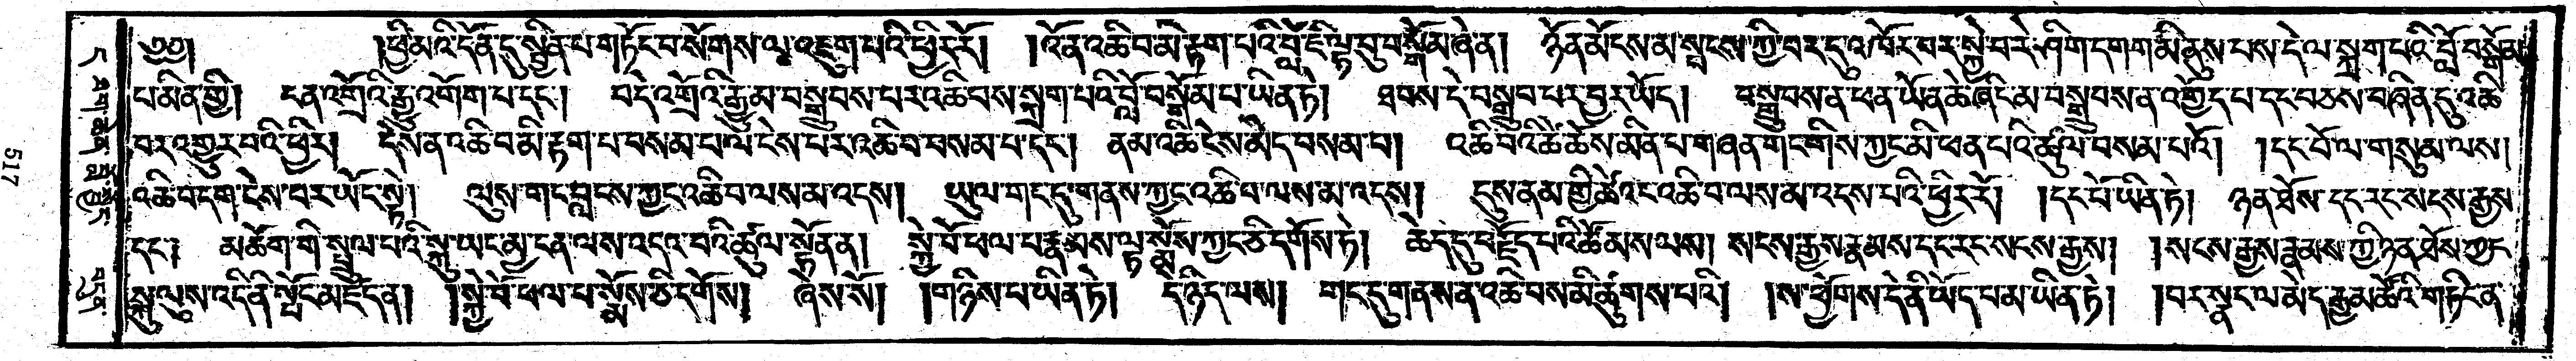༄༅། །ཕྱི་མའི་དོན་དུ་སྦྱིན་པ་གཏོང་བ་སོགས་ལ་འཇུག་པའི་ཕྱིར་རོ། །འོ་ན་འཆི་བ་མི་རྟག་པའི་བློ་ཇི་ལྟར་བུ་བསྒོམ་ཞེ་ན། ཉོན་མོངས་མ་སྤངས་ཀྱི་བར་དུ་འཁོར་བར་སྐྱེ་བ་རེ་ཤིག་དགག་མི་ནུས་པས་དེ་ལ་སྐྲག་པའི་བློ་བསྒོམ་
པ་མིན་གྱི། ངན་འགྲོའི་རྒྱུ་འགོག་པ་དང་། བདེ་འགྲོའི་རྒྱུ་མ་བསྒྲུབས་པར་འཆི་བས་སྐྲག་པའི་བློ་བསྒོམ་པ་ཡིན་ཏེ། ཐབས་དེ་བསྒྲུབ་པར་བྱར་ཡོད། བསྒྲུབས་ན་ཕན་ཡོན་ཆེ་ཞིང་མ་བསྒྲུབས་ན་འགྱོད་པ་དང་བཅས་བཞིན་དུ་འཆི་
བར་འགྱུར་བའི་ཕྱིར། དེས་ན་འཆི་བ་མི་རྟག་པ་བསམ་པ་ལ་ངེས་པར་འཆི་བ་བསམ་པ་དང་། ནམ་འཆི་ངེས་མེད་བསམ་པ། འཆི་བའི་ཚེ་ཆོས་མིན་པ་གཞན་གང་གིས་ཀྱང་མི་ཕན་པའི་ཚུལ་བསམ་པའོ། །དང་པོ་ལ་གསུམ་ལས།
འཆི་བདག་ངེས་བར་ཡོང་སྟེ། ལུས་གང་བླངས་ཀྱང་འཆི་བ་ལས་མ་འདས། ཡུལ་གང་དུ་གནས་ཀྱང་འཆི་བ་ལས་མ་འདས། དུས་ནམ་གྱི་ཚེའང་འཆི་བ་ལས་མ་འདས་པའི་ཕྱིར་རོ། །དང་པོ་ཡིན་ཏེ། ཉན་ཐོས་དང་རང་སངས་རྒྱས་
དང་། མཆོག་གི་སྤྲུལ་པའི་སྐུ་ཡང་མྱ་ངན་ལས་འདའ་བའི་ཚུལ་སྟོན་ན། སྐྱེ་བོ་ཕལ་པ་རྣམས་ལྟ་སྨོས་ཀྱང་ཅི་དགོས་ཏེ། ཆེད་དུ་བརྗོད་པའི་ཚོམས་ལས། སངས་རྒྱས་རྣམས་དང་རང་སངས་རྒྱས། །སངས་རྒྱས་རྣམས་ཀྱི་ཉན་ཐོས་ཀྱང་
སྐུ་ལུས་འདི་ནི་སྤོང་མཛད་ན། །སྐྱེ་བོ་ཕལ་པ་སྨོས་ཅི་དགོས། ཞེས་སོ། །གཉིས་པ་ཡིན་ཏེ། དེ་ཉིད་ལས། གང་དུ་གནས་ན་འཆི་བས་མི་ཚུགས་པའི། །ས་ཕྱོགས་དེ་ནི་ཡོད་པ་མ་ཡིན་ཏེ། །བར་སྣང་ལ་མེད་རྒྱ་མཚོའི་གཏིང་ན་